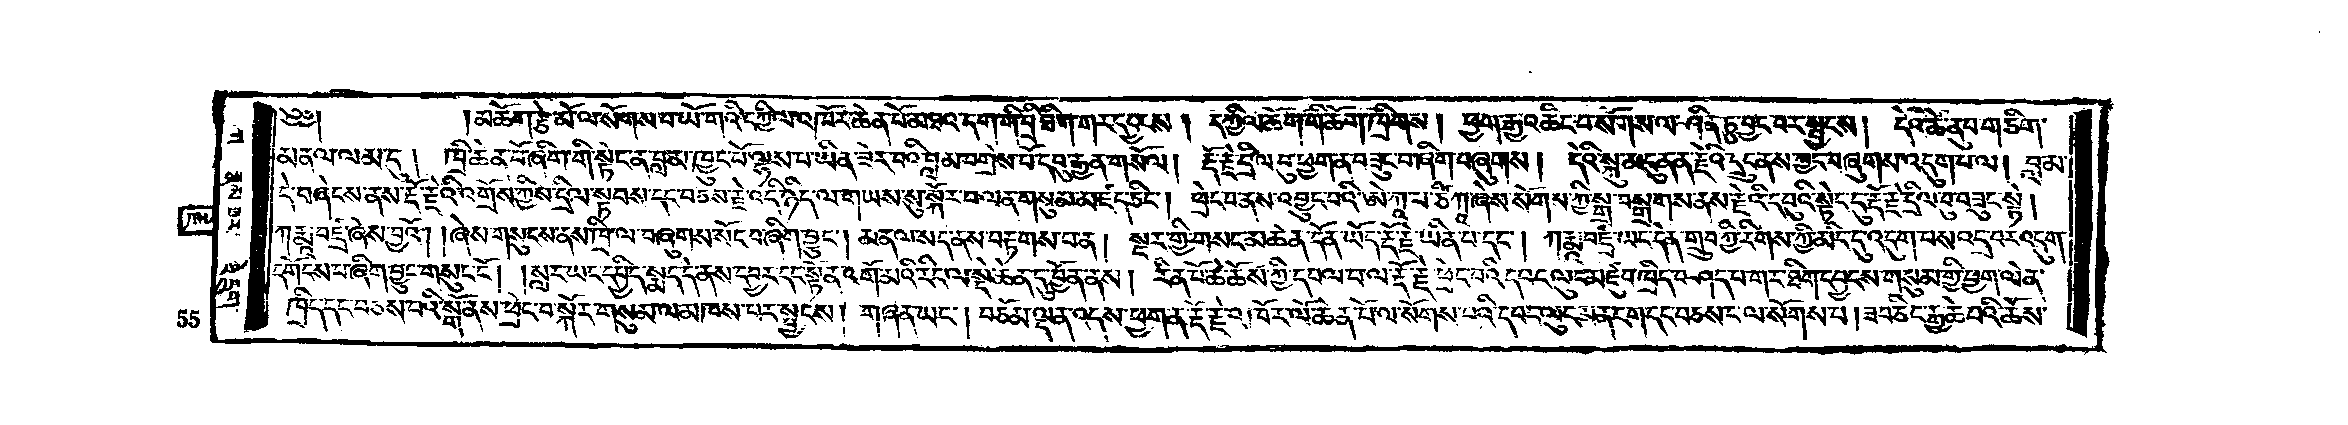༄༅། །མཆོག་རྩེ་མོ་ལ་སོགས་པ་ཡོ་གའི་དཀྱིལ་འཁོར་ཆེན་པོ་མཐའ་དག་གི་བྲི་ཐིག་གར་དབྱངས། དཀྱིལ་ཆོག་གི་ཆོག་ཁྲིགས། ཕྱག་རྒྱ་འཆིང་བ་སོགས་ལ་ཤིན་ཏུ་བྱང་བར་སྦྱངས། དེའི་ཚེ་ནུབ་གཅིག་
མནལ་ལམ་དུ། ཁྲི་ཆེན་པོ་ཞིག་གི་སྟེང་ན་བླ་མ་ཁྱུང་པོ་ལྷས་པ་ཡིན་ཟེར་བའི་བླ་མ་བགྲེས་པོ་དབུ་རྒྱན་གསོལ། རྡོ་རྗེ་བྲིལ་བུ་ཕྱག་ན་བཟུང་བ་ཞིག་བཞུགས། དེའི་སྐུ་མདུན་ན་རྗེའི་དྲུང་ནས་བཞུགས་འདུག་པ་ལ། བླ་མ་
དེ་བཞེངས་ནས་རྡོ་རྗེའི་འགྲོས་ཀྱིས་དྲིལ་སྟབས་དང་བཅས་རྗེ་འདི་ཉིད་ལ་གཡས་སུ་སྐོར་བ་ལན་གསུམ་མཛད་ཅིང་། ཕྲེང་བ་ནས་འབྱུང་བའི་ཨེ་ཀཱ་པ་ཙིཀཱ་ཞེས་སོགས་ཀྱི་སྒྲ་བསྒྲགས་ནས་རྗེའི་དབུའི་སྟེང་དུ་རྡོ་རྗེ་དྲིལ་བུ་བཟུང་སྟེ།
ཀརྨཱ་བཛྲ་ཞེས་བྱའོ། །ཞེས་གསུངས་ནས་ཁྲི་ལ་བཞུགས་སོང་བ་ཞིག་བྱུང་། མན་ལ་སད་ནས་བརྟགས་པ་ན། སྔར་གྱི་གསང་མཆེན་དོན་ཡོད་རྡོ་རྗེ་ཡིན་པ་དང་། ཀརྨཱ་བཛྲ་ཡང་དོན་གྲུབ་ཀྱི་རིགས་ཀྱི་མིང་དུ་འདུག་པས་འདྲ་བར་འདུག་
དགོངས་པ་ཞིག་བྱུང་གསུང་ངོ། །སླར་ཡང་དཔྱིད་སྨད་དེ་ནས་དབྱར་དང་སྟོན་འགོ་མའི་རིང་ལ་སྡེ་ཆེན་དུ་བྱོན་ནས། རིན་པོ་ཆེ་ཆོས་ཀྱི་དཔལ་བ་ལ་རྡོ་རྗེ་ཕྲེང་བའི་དབང་ལུང་མཛུབ་ཁྲིད་བཤད་པ་གར་ཐིག་དབྱངས་གསུམ་གྱི་ཕྱག་ལེན་
ཁྲིད་དང་བཅས་པའི་སྒོ་ནས་ཕྲེང་བ་སྐོར་གསུམ་ལ་མཁས་པར་སྦྱངས། གཞན་ཡང་། བཅོམ་ལྡན་འདས་ཕྱག་ན་རྡོ་རྗེ་འཁོར་ལོ་ཆེན་པོ་ལ་སོགས་པའི་དབང་ལུང་མན་ངག་དང་བཅས་པ་ལ་སོགས་པ། ཟབ་ཅིང་རྒྱ་ཆེ་བའི་ཆོས་